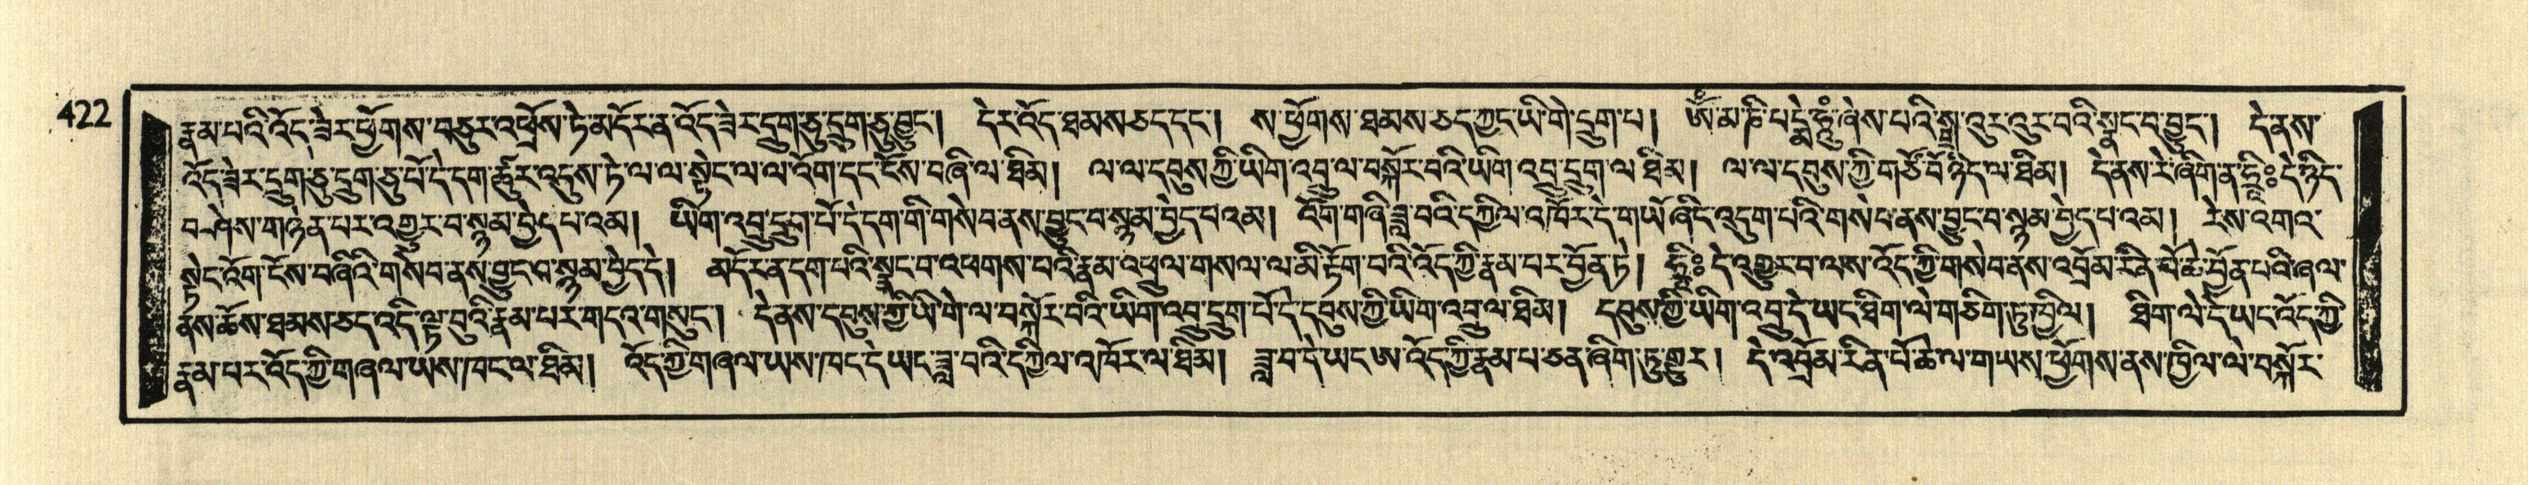རྣམ་པའི་འོད་ཟེར་ཕྱོགས་བཅུར་འཕྲོས་ཏེ་མདོར་ན་འོད་ཟེར་དྲུག་ཅུ་དྲུག་ཅུ་བྱུང་། དེར་འོད་ཐམས་ཅད་དང་། ས་ཕྱོགས་ཐམས་ཅད་ཀྱང་ཡི་གེ་དྲུག་པ། ཨོཾ་མ་ཎི་པདམེ་ཧཱུཾ་ཞེས་པའི་སྒྲ་འུར་འུར་བའི་སྣང་བ་བྱུང་། དེ་ནས་
འོད་ཟེར་དྲུག་ཅུ་དྲུག་ཅུ་པོ་དེ་དག་ཚུར་འདུས་ཏེ་ལ་ལ་སྟེང་ལ་ལ་འོག་དང་ངོས་བཞི་ལ་ཐིམ། ལ་ལ་དབུས་ཀྱི་ཡིག་འབྲུ་ལ་བསྐོར་བའི་ཡིག་འབྲུ་དྲུག་ལ་ཐིམ། ལ་ལ་དབུས་ཀྱི་གཙོ་བོ་ཉིད་ལ་ཐིམ། དེ་ནས་རེ་ཞིག་ན་ཧྲཱིཿ དེ་ཉིད་
བཤེས་གཉེན་པར་འགྱུར་བ་སྙམ་བྱེད་པ་འམ། ཡིག་འབྲུ་དྲུག་པོ་དེ་དག་གི་གསེབ་ནས་བྱུང་བ་སྙམ་བྱེད་པའམ། འོག་གཞི་ཟླ་བའི་དཀྱིལ་འཁོར་དེ་གཡོ་ཞིང་འདུག་པའི་གསེང་ནས་བྱུང་བ་སྙམ་བྱེད་པ་འམ། རེས་འགའ་
སྟེང་འོག་ངོས་བཞིའི་གསེབ་ནས་བྱུང་བ་སྙམ་བྱེད་དེ། མདོར་ན་དག་པའི་སྣང་བ་འཕགས་པའི་རྣམ་འཕྲུལ་གསལ་ལ་མི་རྟོག་པའི་འོད་ཀྱི་རྣམ་པར་བྱོན་ཏེ། ཧྲཱིཿ དེ་འགྱུར་བ་ལས་འོད་ཀྱི་གསེབ་ནས་འབྲོམ་རིན་པོ་ཆེ་བྱོན་པའི་ཞལ་
ནས་ཆོས་ཐམས་ཅད་འདི་ལྟ་བུའི་རྣམ་པར་གདའ་གསུང་། དེ་ནས་དབུས་ཀྱི་ཡི་གེ་ལ་བསྐོར་བའི་ཡིག་འབྲུ་དྲུག་པོ་དེ་དབུས་ཀྱི་ཡིག་འབྲུ་ལ་ཐིམ། དབུས་ཀྱི་ཡིག་འབྲུ་དེ་ཡང་ཐིག་ལེ་གཅིག་ཏུ་ཁྱིལ། ཐིག་ལེ་དེ་ཡང་འོད་ཀྱི་
རྣམ་པར་འོད་ཀྱི་གཞལ་ཡས་ཁང་ལ་ཐིམ། འོད་ཀྱི་གཞལ་ཡས་ཁང་དེ་ཡང་ཟླ་བའི་དཀྱིལ་འཁོར་ལ་ཐིམ། ཟླ་བ་དེ་ཡང་ཨ་འོད་ཀྱི་རྣམ་པ་ཅན་ཞིག་ཏུ་གྱུར། དེ་འབྲོམ་རིན་པོ་ཆེ་ལ་གཡས་ཕྱོགས་ནས་ཁྱིལ་ལེ་བསྐོར་